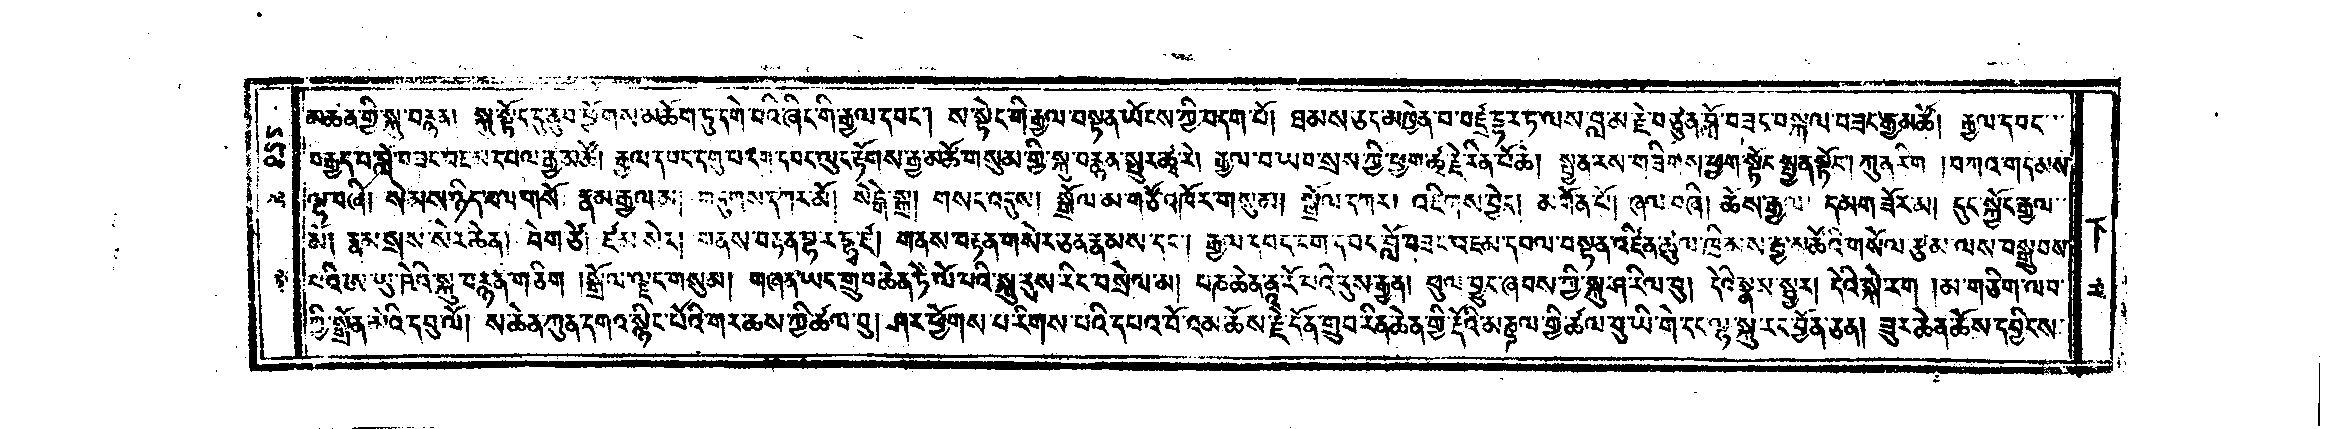མཚན་གྱི་སྐུ་བརྙན། སྐུ་སྟོད་དུ་ནུབ་ཕྱོགས་མཆོག་ཏུ་དགེ་བའི་ཞིང་གི་རྒྱལ་དབང་། ས་སྟེང་གི་རྒྱལ་བསྟན་ཡོངས་ཀྱི་བདག་པོ། ཐམས་ཅད་མཁྱེན་པ་བཛྲ་དྷར་ཏ་ལས་བླ་མ་རྗེ་བཙུན་བློ་བཟང་བསྐལ་བཟང་རྒྱ་མཚོ། རྒྱལ་དབང་
བརྒྱད་པ་བློ་བཟང་འཇམ་དཔལ་རྒྱ་མཚོ། རྒྱལ་དབང་དགུ་པ་ངག་དབང་ལུང་རྟོགས་རྒྱ་མཚོ་གསུམ་གྱི་སྐུ་བརྙན་སྤུར་ཚྭ་རེ། རྒྱལ་བ་ཡབ་སྲས་ཀྱི་ཕྱག་ཚྭ་རྗེ་རིན་པོ་ཆེ། སྤྱན་རས་གཟིགས་ཕྱག་སྟོང་སྦྱན་སྟོང་། ཀུན་རིག །བཀའ་གདམས་
ལྷ་བཞི། སེམས་ཉིད་ངལ་གསོ། རྣམ་རྒྱལ་མ། གདུགས་དཀར་མོ། སེངྒེ་སྒྲ། གསང་འདུས། སྒྲོལ་མ་གཙོ་འཁོར་གསུམ། སྒྲོལ་དཀར། འཇིགས་བྱེད། མགོན་པོ། ཞལ་བཞི། ཆོས་རྒྱལ། དམག་ཟོར་མ། དུང་སྐྱོང་རྒྱལ་
མོ༑ རྣམ་སྲས་སེར་ཆེན། བེག་ཙེ། ཛམ་སེར། གནས་བརྟན་བྷ་ར་དྷྭ་ཛ། གནས་བརྟན་གསེར་ཅན་རྣམས་དང་། རྒྱལ་དབང་ངག་དབང་བློ་བཟང་འཇམ་དཔལ་བསྟན་འཛིན་ཚུལ་ཁྲིམས་རྒྱ་མཚོའི་གསོལ་རྩམ་ལས་བསྒྲུབས་
པའི་ཨ་ཡུ་ཥེའི་སྐུ་བརྙན་གཅིག །སྒྲོལ་ལྗང་གསུམ། གཞན་ཡང་གྲུབ་ཆེན་ཏཻ་ལོ་པའི་སྐུ་རུས་རིང་བསྲེལ་མ། པཎ་ཆེན་ནཱ་རོ་པའི་རུས་རྒྱན། ཕུལ་བྱུང་ཞབས་ཀྱི་སྐུ་ཤ་རིལ་བུ། དེའི་སྣམ་སྦྱར། དེའི་སྐེ་རག །མ་གཅིག་ལབ་
ཀྱི་སྒྲོན་མེའི་དབུ་ལོ། ས་ཆེན་ཀུན་དགའ་སྙིང་པོའི་གར་ཆས་ཀྱི་ཚལ་བུ། ཤར་ཕྱོགས་པ་རིགས་པའི་དཔའ་བོ་འམ་ཆོས་རྗེ་དོན་གྲུབ་རིན་ཆེན་གྱི་རྡོའི་མཎྜལ་གྱི་ཚལ་བུ་ཡི་གེ་དང་ལྷ་སྐུ་རང་བྱོན་ཅན། ཟུར་ཆེན་ཆོས་དབྱིངས་